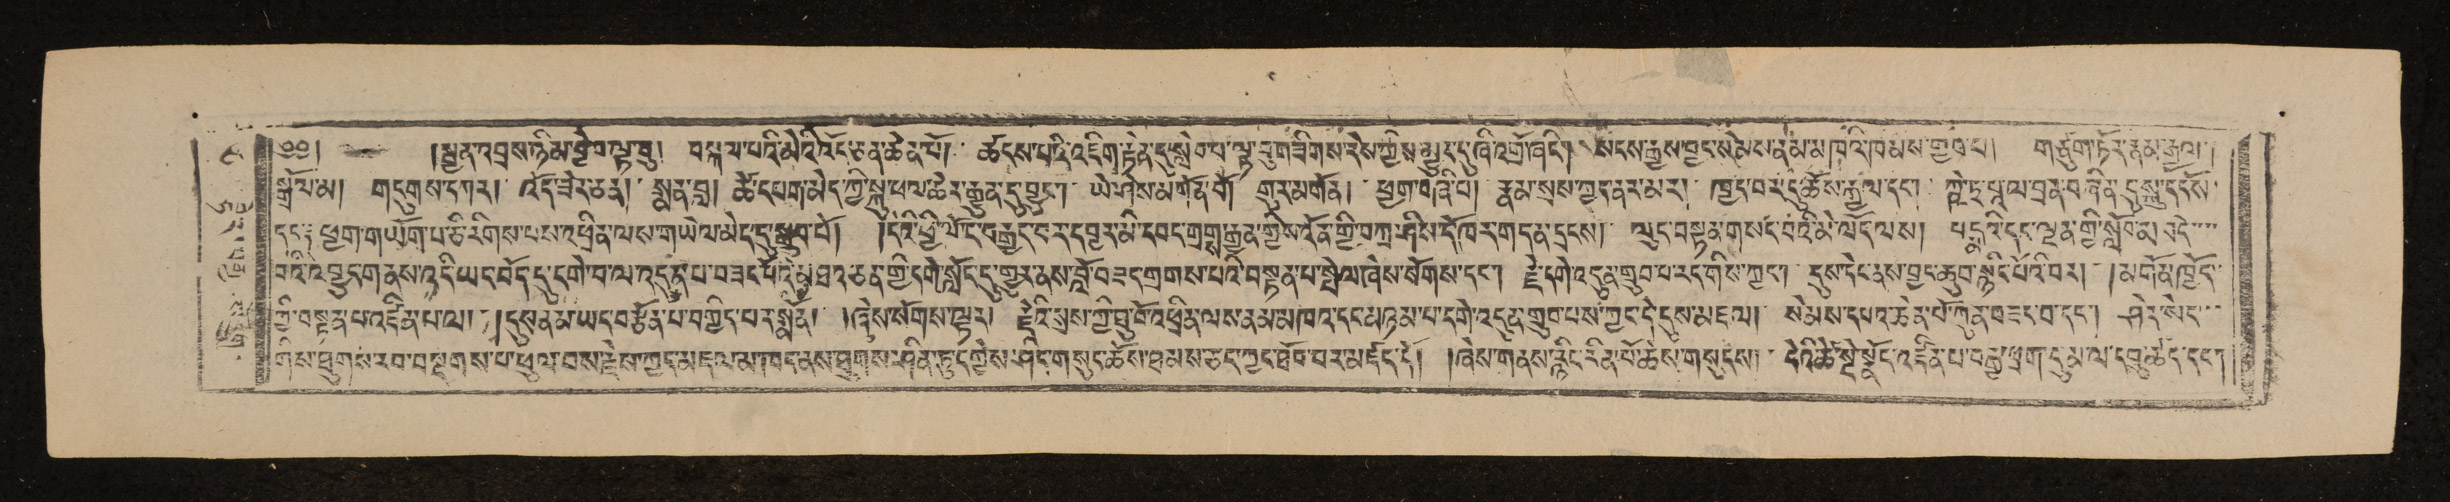༄༅། །སྤྱན་འབྲས་ཉི་མ་བྱེ་བ་ལྟ་བུ། བསྐལ་པའི་མེའི་འོད་ཅན་ཆེན་པོ། ཚངས་པའི་འཇིག་རྟེན་དུ་སླེབ་པ་ལྟ་བུ་གཟིགས་རེས་ཀྱིས་མྱུར་དུ་ཞི་འགྲོ་ཞིང་། སངས་རྒྱས་བྱང་སེམས་ནམ་མཁའི་ཁམས་ཁྱབ་པ། གཙུག་ཏོར་རྣམ་རྒྱལ།
སྒྲོལ་མ། གདུགས་དཀར། འོད་ཟེར་ཅན། སྨན་བླ། ཚེ་དཔག་མེད་ཀྱི་སྐུ་ཕལ་ཆེར་རྒྱུན་དུ་བྱུང་། ཡེ་ཤེས་མགོན་པོ། གུར་མགོན། ཕྱག་བཞི་པ། རྣམ་སྲས་ཀྱང་ནར་མར། ཁྱད་པར་དུ་ཆོས་རྒྱལ་དང་། ཀྵེ་ཏྲ་པཱ་ལ་བྲན་བཞིན་དུ་སྐུ་དངོས་
དང༑ ཕྱག་གཡོག་པ་ཅི་རིགས་པས་འཕྲིན་ལས་གཡེལ་མེད་དུ་སྒྲུབ་པོ། །དེའི་ཕྱི་ལོ་ང་བརྒྱད་པར་དབྱར་མི་དབང་གྲགས་རྒྱན་གྱིས་འོན་གྱི་བཀྲ་ཤིས་དོ་ཁར་གདན་དྲངས། ལུང་བསྟན་གསང་བའི་མེ་ལོང་ལས། པདམའི་ངད་ལྡན་གྱི་སློབ་མ་བདེ་
བའི་འབྱུང་གནས་འདི་ཡང་བོད་དུ་དགེ་བ་ལ་འདུན་པ་བཟང་པོའི་མཐའ་ཅན་གྱི་དགེ་སློང་དུ་གྱུར་ནས་བློ་བཟང་གྲགས་པའི་བསྟན་པ་སྤེལ་ཞེས་སོགས་དང་། རྗེ་དགེ་འདུན་གྲུབ་པ་རང་གིས་ཀྱང་། དུས་དེང་ནས་བྱང་ཆུབ་སྙིང་པོའི་བར། །མགོན་ཁྱོད་
ཀྱི་བསྟན་པ་འཛིན་པ་ལ། །དུས་ནམ་ཡང་བརྩོན་པ་བགྱིད་བར་སྨོན། །ཞེས་སོགས་ལྟར། རྗེའི་སྲས་ཀྱི་ཐུ་བོ་འཕྲིན་ལས་ནམ་མཁའ་དང་མཉམ་པ་དགེ་འདུན་གྲུབ་པས་ཀྱང་དེ་དུས་མཇལ། སེམས་དཔའ་ཆེན་པོ་ཀུན་བཟང་བ་དང་། ཤེད་སེང་
གིས་ཐུགས་རབ་བསྔགས་པ་ཕུལ་བས་རྗེས་ཀྱང་མཇལ་མཁད་ནས་ཐུགས་ཤིན་ཏུ་དགྱེས་ཤིང་གསུང་ཆོས་ཐམས་ཅད་ཀྱང་ཐོབ་པར་མཛད་དོ། །ཞེས་གནས་རྙིང་རིན་པོ་ཆེས་གསུངས། དེའི་ཚེ་སྡེ་སྣོད་འཛིན་པ་བརྒྱ་ཕྲག་དུ་མ་ལ་དབུ་ཚད་དང་།